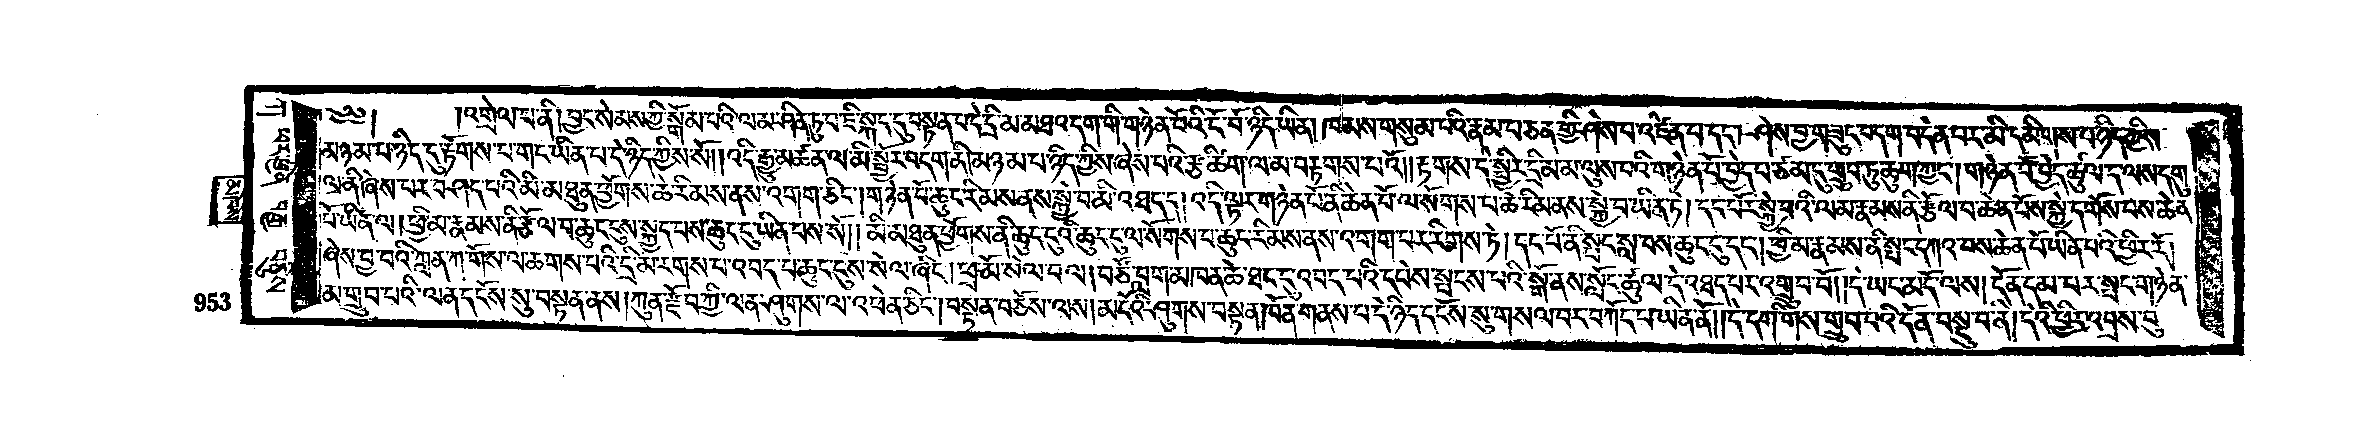༄༅། །འགྲེལ་པ་ནི། བྱང་སེམས་ཀྱི་སྒོམ་པའི་ལམ་ཤིན་ཏུ་བ་ཇི་སྐད་དུ་བསྟན་པ་དེ་དྲི་མ་མཐའ་དག་གི་གཉེན་པོའི་ངོ་བོ་ཉིད་ཡིན། ཁམས་གསུམ་པའི་རྣམ་པ་ཅན་གྱི་ཤེས་པ་འཛིན་པ་དང་། ཤེས་བྱ་གཟུང་བདག་བདེན་པར་མི་དམིགས་པ་ཉིད་ཀྱིས་
མཉམ་པ་ཉིད་དུ་རྟོགས་པ་གང་ཡིན་པ་དེ་ཉིད་ཀྱིས་སོ། །འདི་རྒྱུ་མཚན་ལ་མི་སྦྱོར་བདག་ནི། མཉམ་པ་ཉིད་ཀྱིས་ཞེས་པའི་རྩ་ཚིག་ལ་མ་བརྟགས་པའོ། །རྟགས་དེ་སྤྱིར་དྲི་མ་མ་ལུས་པའི་གཉེན་པོ་བྱེད་པ་ཙམ་དུ་གྲུབ་ཏུ་ཆུག་ཀྱང་། གཉེན་པོ་བྱེད་ཚུལ་དེ་ལས་དགུ་
ལ་ནི་ཞེས་པར་བཤད་པའི་མི་མཐུན་ཕྱོགས་ཆེ་རིམས་ནས་འགག་ཅིང་། གཉེན་པོ་ཆུང་རིམས་ནས་སྐྱེ་བ་མི་འཐད་དེ། འདི་ལྟར་གཉེན་པོ་ནི་ཆེན་པོ་ལ་སོགས་པ་ཆེ་རིམ་ནས་སྐྱེ་བ་ཡིན་ཏེ། དང་པོར་སྐྱེ་བའི་ལམ་རྣམས་ནི་རྩོལ་བ་ཆེན་པོས་སྐྱེ་དགོས་པས་ཆེན་
པོ་ཡིན་ལ། ཕྱི་མ་རྣམས་ནི་རྩོལ་བ་ཆུང་ངུས་སྐྱེད་པས་ཆུང་ངུ་ཡིན་པས་སོ། །མི་མཐུན་ཕྱོགས་ནི་ཆུང་ངུའི་ལ་སོགས་པ་ཆུང་རིམས་ནས་འགག་པར་རིགས་ཏེ། དང་པོ་ནི་སྤང་སླ་བས་ཆུང་ངུ་དང་། ཕྱི་མ་རྣམས་ནི་སྤང་དཀའ་བས་ཆེན་པོ་ཡིན་པའི་ཕྱིར་རོ།
ཞེས་བྱ་བའི་ཀླན་ཀ་གོས་ལ་ཆགས་པའི་དྲི་མ་རགས་པ་འབད་པ་ཆུང་ངུས་སེལ་ཞིང་། ཕྲ་མོ་སེལ་བ་ལ། བཙོ་བླག་མཁན་ཆེ་ཐང་དུ་འབད་པའི་དཔེས་སྤངས་པའི་སྒོ་ནས་སློང་ཚུལ་དེ་འཐད་པར་འགྲུབ་བོ། །དེ་ཡང་མདོ་ལས། དོན་དམ་པར་སྤང་གཉེན་
མ་གྲུབ་པའི་ལན་དངོས་སུ་བསྟན་ནས། ཀུན་རྫོབ་ཀྱི་ལན་ཤུགས་ལ་འཕེན་ཅིང་། བསྟན་བཅོས་ལས། མདོའི་ཤུགས་བསྟན་ཁོན་གནས་པ་དེ་ཉིད་དངོས་སུ་གསལ་བར་བཀོད་པ་ཡིན་ནོ། །དེ་དག་གིས་གྲུབ་པའི་དོན་བསྡུ་བ་ནི། དེའི་ཕྱིར་འབྲས་བུ་